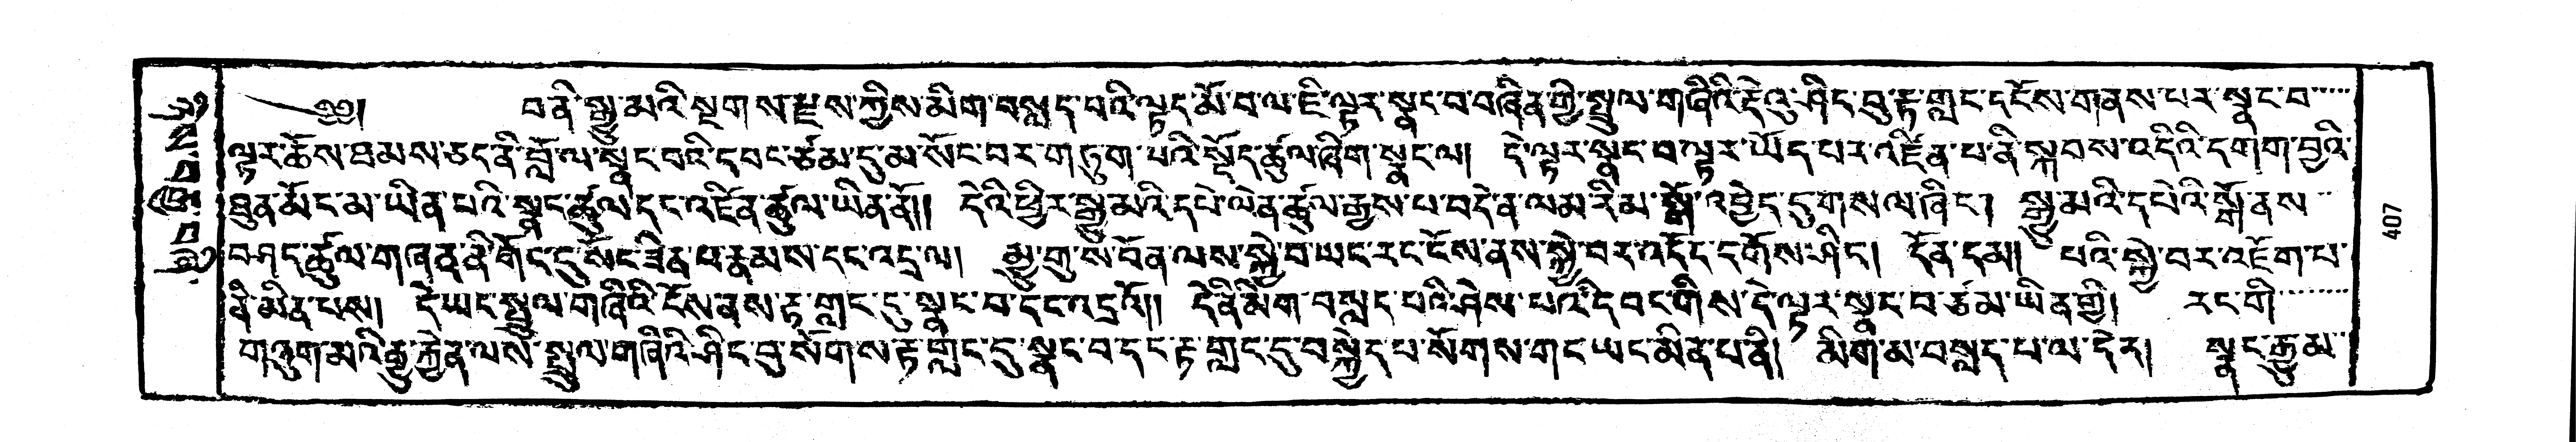༄༅། །བ་ནི་སྒྱུ་མའི་སྔགས་རྫས་ཀྱིས་མིག་བསླད་པའི་ལྟད་མོ་བ་ལ་ཇི་ལྟར་སྣང་བ་བཞིན་གྱི་སྤྲུལ་གཞིའི་རྡེའུ་ཤིང་བུ་རྟ་གླང་དངོས་གནས་པར་སྣང་བ་
ལྟར་ཆོས་ཐམས་ཅད་ནི་བློ་ལ་སྣང་བའི་དབང་ཙམ་དུ་མ་སོང་བར་གཏུག་པའི་སྡོད་ཚུལ་ཞིག་སྣང་ལ། དེ་ལྟར་སྣང་བ་ལྟར་ཡོད་པར་འཛིན་པ་ནི་སྐབས་འདིའི་དགག་བྱའི་
ཐུན་མོང་མ་ཡིན་པའི་སྣང་ཚུལ་དང་འཛིན་ཚུལ་ཡིན་ནོ། །དེའི་ཕྱིར་སྒྱུ་མའི་དཔེ་ལེན་ཚུལ་རྒྱས་པ་བདེན་ལམ་རིམ་སྒོ་འབྱེད་དུ་གསལ་ཞིང་། སྒྱུ་མའི་དཔེའི་སྒོ་ནས་
བཤད་ཚུལ་གཞན་ནི་གོང་དུ་སོང་ཟིན་པ་རྣམས་དང་འདྲ་ལ། མྱུ་གུ་ས་བོན་ལས་སྐྱེ་བ་ཡང་རང་ངོས་ནས་སྐྱེ་བར་འདོད་དགོས་ཤིང་། དོན་དམ། པའི་སྐྱེ་བར་འཇོག་པ་
ནི་མིན་པས། དེ་ཡང་སྤྲུལ་གཞིའི་ངོས་ནས་རྟ་གླང་དུ་སྣང་བ་དང་འདྲའོ། །དེ་ནི་མིག་བསླད་པའི་ཤེས་པའི་དབང་གིས་དེ་ལྟར་སྣང་བ་ཙམ་ཡིན་གྱི། རང་གི་
གཉུག་མའི་རྒྱུ་རྐྱེན་ལས་སྤྲུལ་གཞིའི་ཤིང་བུ་སོགས་རྟ་གླང་དུ་སྣང་བ་དང་རྟ་གླང་དུ་བསྐྱེད་པ་སོགས་གང་ཡང་མིན་པ་ནི། མིག་མ་བསླད་པ་ལ་དེར། སྣང་རྒྱུ་མ་